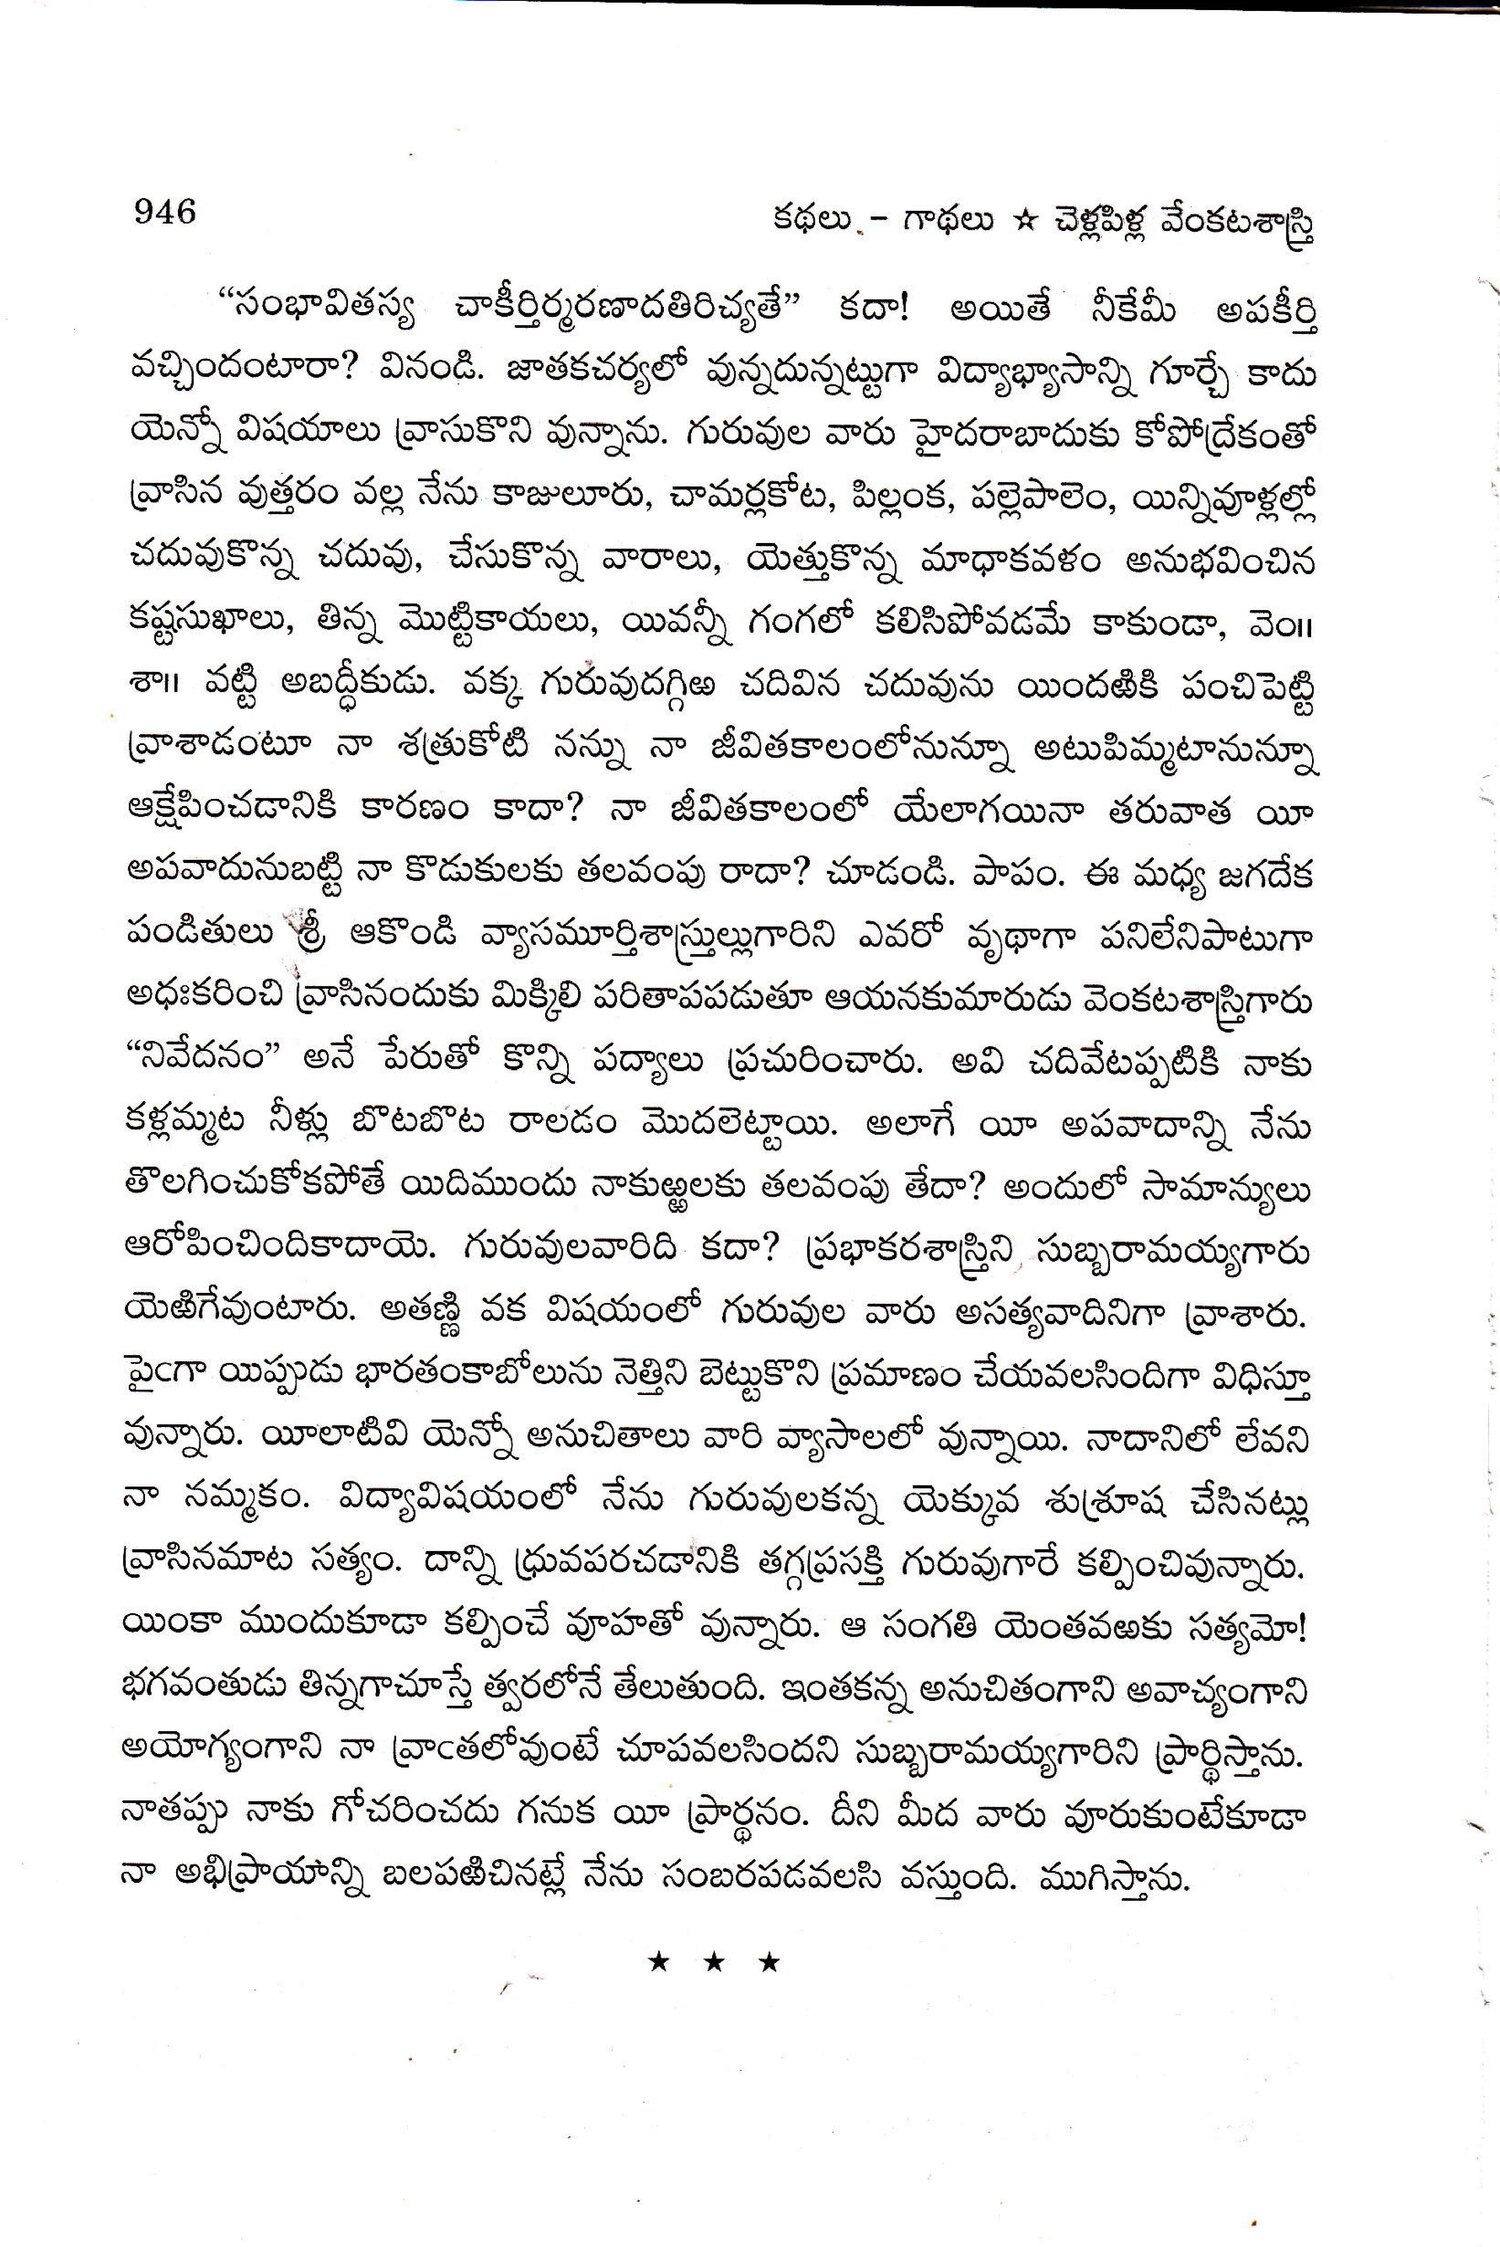“సంభావితస్య చాకీర్తిర్మరణాదతిరిచ్యతే" కదా! అయితే నీకేమీ అపకీర్తి వచ్చిందంటారా? వినండి. జాతకచర్యలో వున్నదున్నట్టుగా విద్యాభ్యాసాన్ని గూర్చే కాదు యెన్నో విషయాలు వ్రాసుకొని వున్నాను. గురువుల వారు హైదరాబాదుకు కోపోద్రేకంతో వ్రాసిన వుత్తరం వల్ల నేను కాజులూరు, చామర్లకోట, పిల్లంక, పల్లెపాలెం, యిన్నివూళ్లల్లో చదువుకొన్న చదువు, చేసుకొన్న వారాలు, యెత్తుకొన్న మాధాకవళం అనుభవించిన కష్టసుఖాలు, తిన్న మొట్టికాయలు, యివన్నీ గంగలో కలిసిపోవడమే కాకుండా, వెం|| శా|| వట్టి అబద్దీకుడు. వక్క గురువుదగ్గిఱ చదివిన చదువును యిందఱికి పంచిపెట్టి వ్రాశాడంటూ నా శత్రుకోటి నన్ను నా జీవితకాలంలోనున్నూ అటుపిమ్మటానున్నూ ఆక్షేపించడానికి కారణం కాదా? నా జీవితకాలంలో యేలాగయినా తరువాత యీ అపవాదునుబట్టి నా కొడుకులకు తలవంపు రాదా? చూడండి. పాపం. ఈ మధ్య జగదేక పండితులు శ్రీ ఆకొండి వ్యాసమూర్తిశాస్త్రులుగారిని ఎవరో వృథాగా పనిలేనిపాటుగా అధఃకరించి వ్రాసినందుకు మిక్కిలి పరితాపపడుతూ ఆయనకుమారుడు వెంకటశాస్త్రిగారు “నివేదనం” అనే పేరుతో కొన్ని పద్యాలు ప్రచురించారు. అవి చదివేటప్పటికి నాకు కళ్లమ్మట నీళ్లు బొటబొట రాలడం మొదలెట్టాయి. అలాగే యీ అపవాదాన్ని నేను తొలగించుకోకపోతే యిదిముందు నాకుఱ్ఱలకు తలవంపు తేదా? అందులో సామాన్యులు ఆరోపించిందికాదాయె, గురువులవారిది కదా? ప్రభాకరశాస్త్రిని సుబ్బరామయ్యగారు యెఱిగేవుంటారు. అతణ్ణి వక విషయంలో గురువుల వారు అసత్యవాదినిగా వ్రాశారు. పైఁగా యిప్పుడు భారతంకాబోలును నెత్తిని బెట్టుకొని ప్రమాణం చేయవలసిందిగా విధిస్తూ వున్నారు. యీలాటివి యెన్నో అనుచితాలు వారి వ్యాసాలలో వున్నాయి. నాదానిలో లేవని నా నమ్మకం. విద్యావిషయంలో నేను గురువులకన్న యెక్కువ శుశ్రూష చేసినట్లు వ్రాసినమాట సత్యం. దాన్ని ధ్రువపరచడానికి తగ్గప్రసక్తి గురువుగారే కల్పించివున్నారు. యింకా ముందుకూడా కల్పించే వూహతో వున్నారు. ఆ సంగతి యెంతవఱకు సత్యమో! భగవంతుడు తిన్నగాచూస్తే త్వరలోనే తేలుతుంది. ఇంతకన్న అనుచితంగాని అవాచ్యంగాని అయోగ్యంగాని నా వ్రాఁతలోవుంటే చూపవలసిందని సుబ్బరామయ్యగారిని ప్రార్థిస్తాను. నాతప్పు నాకు గోచరించదు గనుక యీ ప్రార్థనం. దీని మీద వారు వూరుకుంటేకూడా నా అభిప్రాయాన్ని బలపఱిచినట్లే నేను సంబరపడవలసి వస్తుంది. ముగిస్తాను.